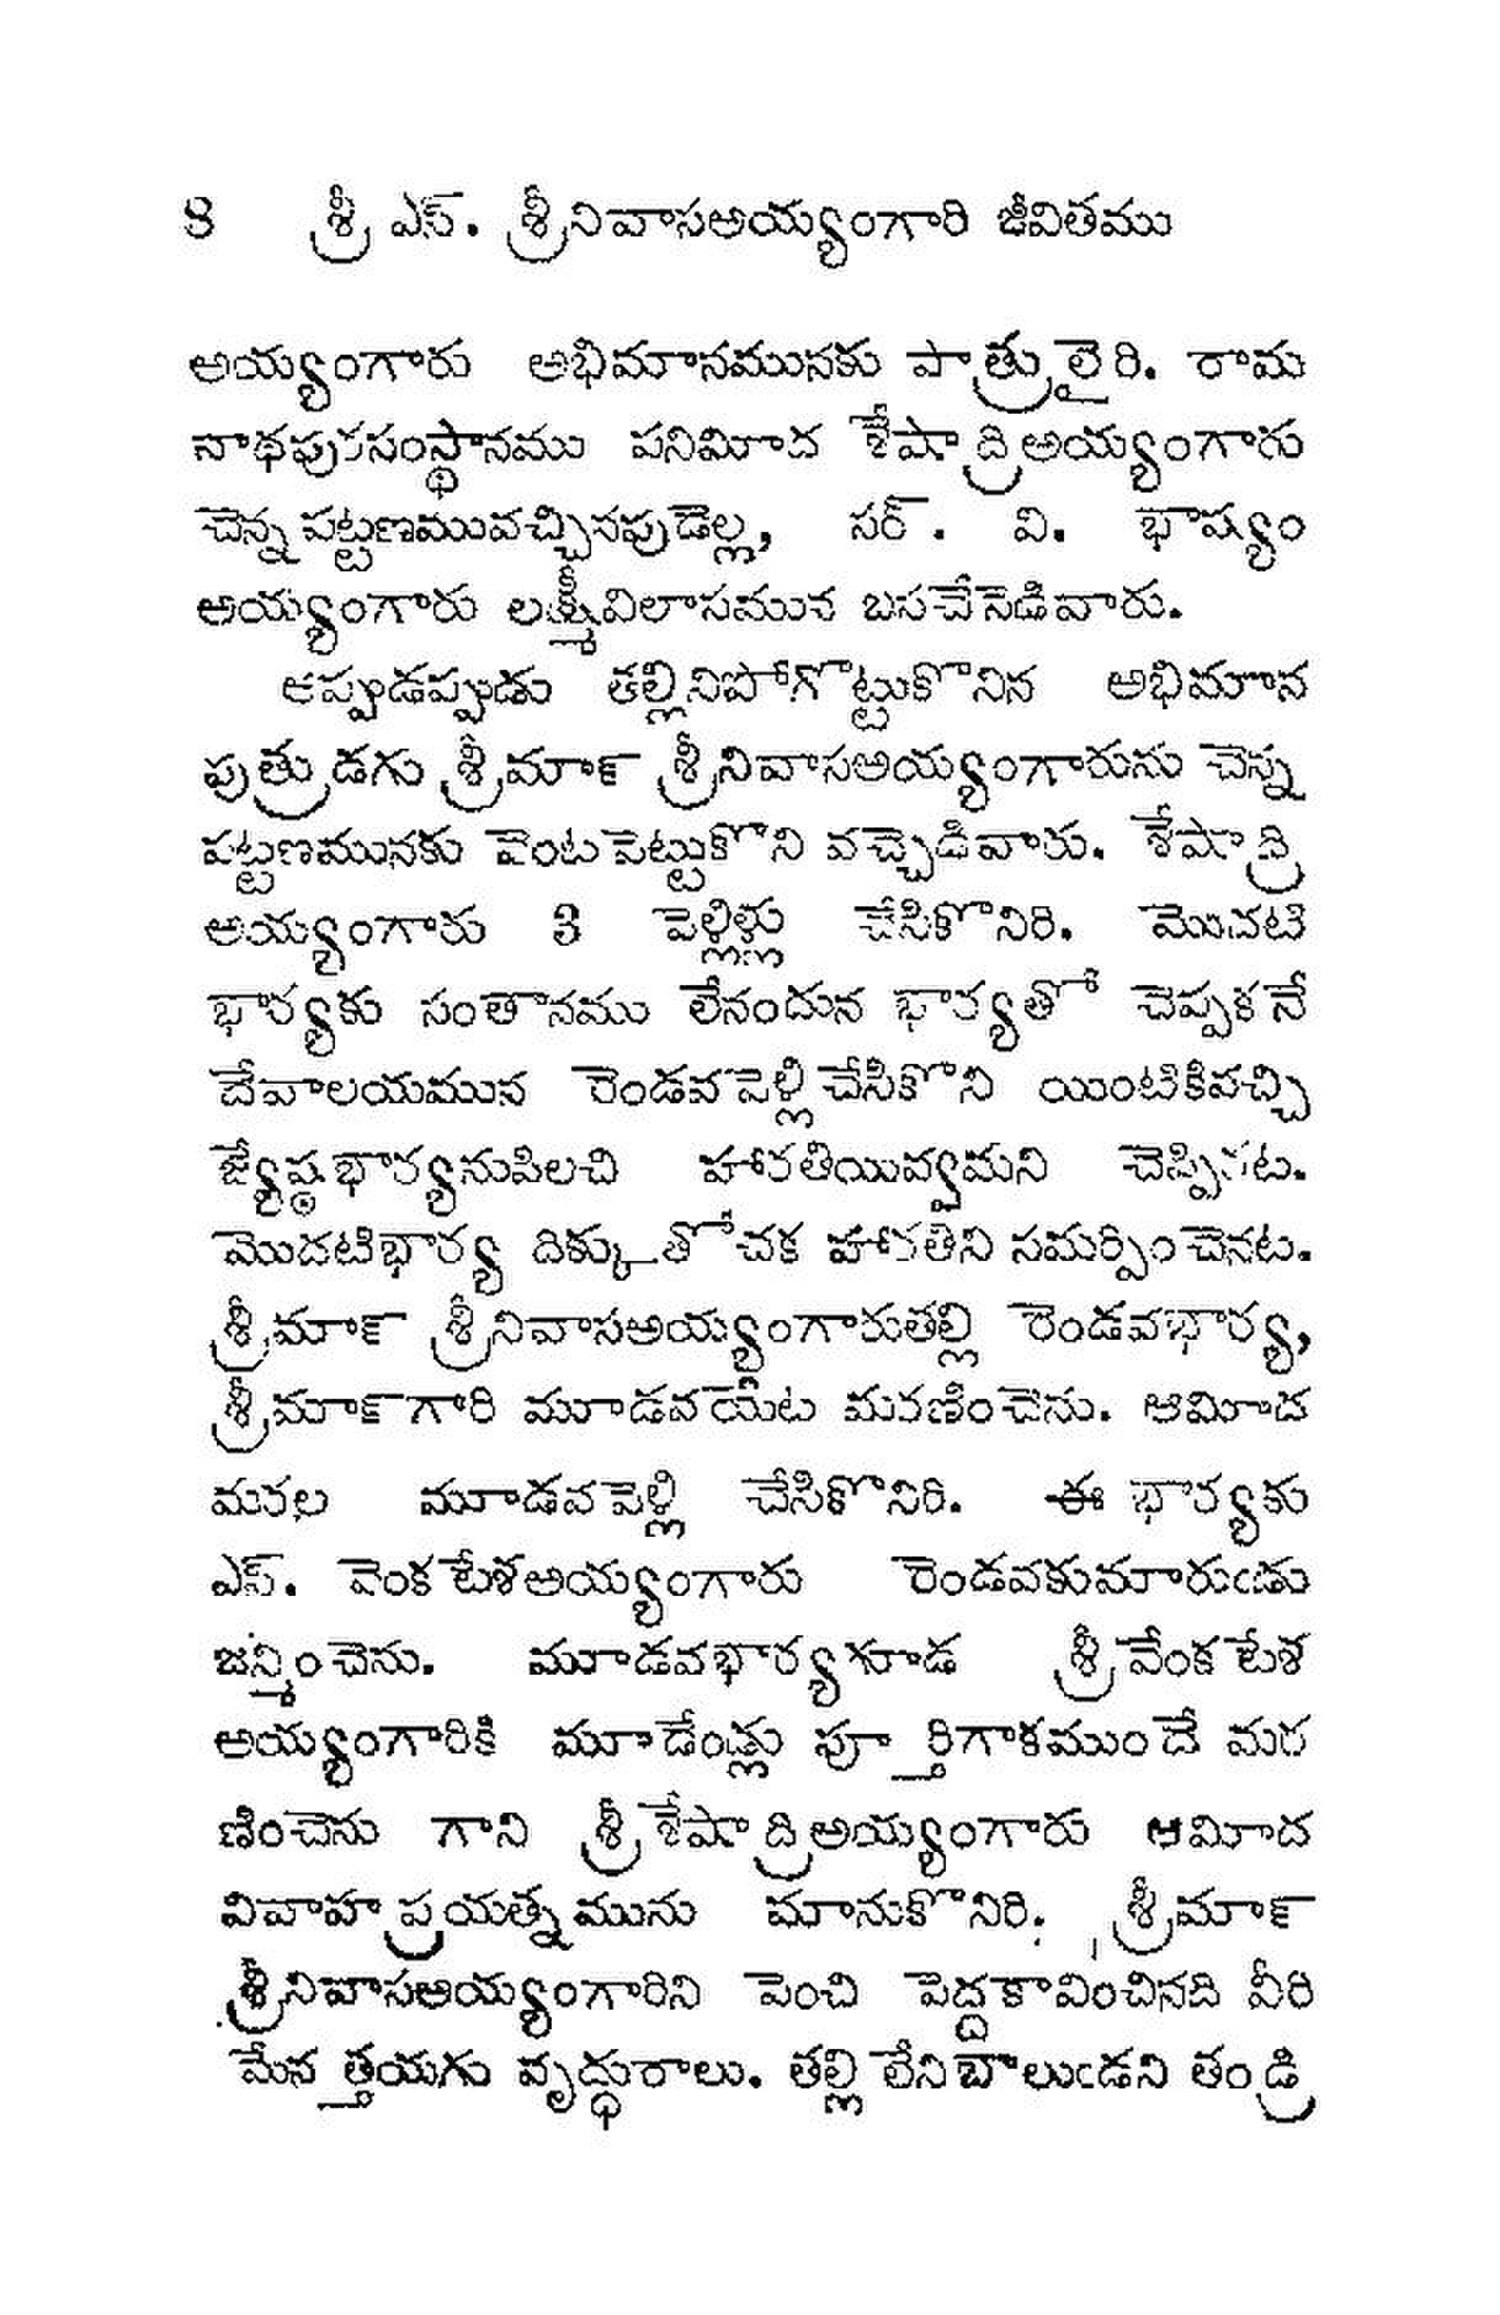అయ్యంగారు అభిమానమునకు పాత్రులైరి. రామనాథపురసంస్థానము పనిమీద శేషాద్రిఅయ్యంగారు చెన్నపట్టణమువచ్చినపుడెల్ల, సర్. వి. భాష్యంఅయ్యంగారు లక్ష్మీవిలాసమున బసచేసెడివారు.

అప్పుడప్పుడు తల్లినిపోగొట్టుకొనిన అభిమాన పుత్రుడగు శ్రీమా౯ శ్రీనివాసఅయ్యంగారును చెన్నపట్టణమునకు వెంటపెట్టుకొని వచ్చెడివారు. శేషాద్రిఅయ్యంగారు 3 పెళ్లిళ్లు చేసికొనిరి. మొదటి భార్యకు సంతానము లేనందున భార్యతో చెప్పకనే దేవాలయమున రెండవపెళ్లిచేసికొని యింటికివచ్చి జ్యేష్ఠభార్యనుపిలచి హారతియివ్వమని చెప్పిరట.
మొదటిభార్య దిక్కుతోచక హారతిని సమర్పించెనట. శ్రీమా౯ శ్రీనివాసఅయ్యంగారుతల్లి రెండవభార్య, శ్రీమా౯గారి మూడవయేట మరణించెను. ఆమీద మరల మూడవపెళ్లి చేసికొనిరి. ఈ భార్యకు ఎస్. వెంకటేశఅయ్యంగారు రెండవకుమారుడు జన్మించెను. మూడవభార్యగూడ శ్రీవేంకటేశ అయ్యంగారికి మూడేండ్లు పూర్తిగాకముందే మరణించెను గాని శ్రీశేషాద్రిఅయ్యంగారు ఆమీద వివాహప్రయత్నమును మానుకొనిరి. శ్రీమా౯ శ్రీనివాసఅయ్యంగారిని పెంచి పెద్దకావించినది. వీరి మేనత్తయగు వృద్ధురాలు. తల్లి లేనిబాలుఁడని తండ్రి